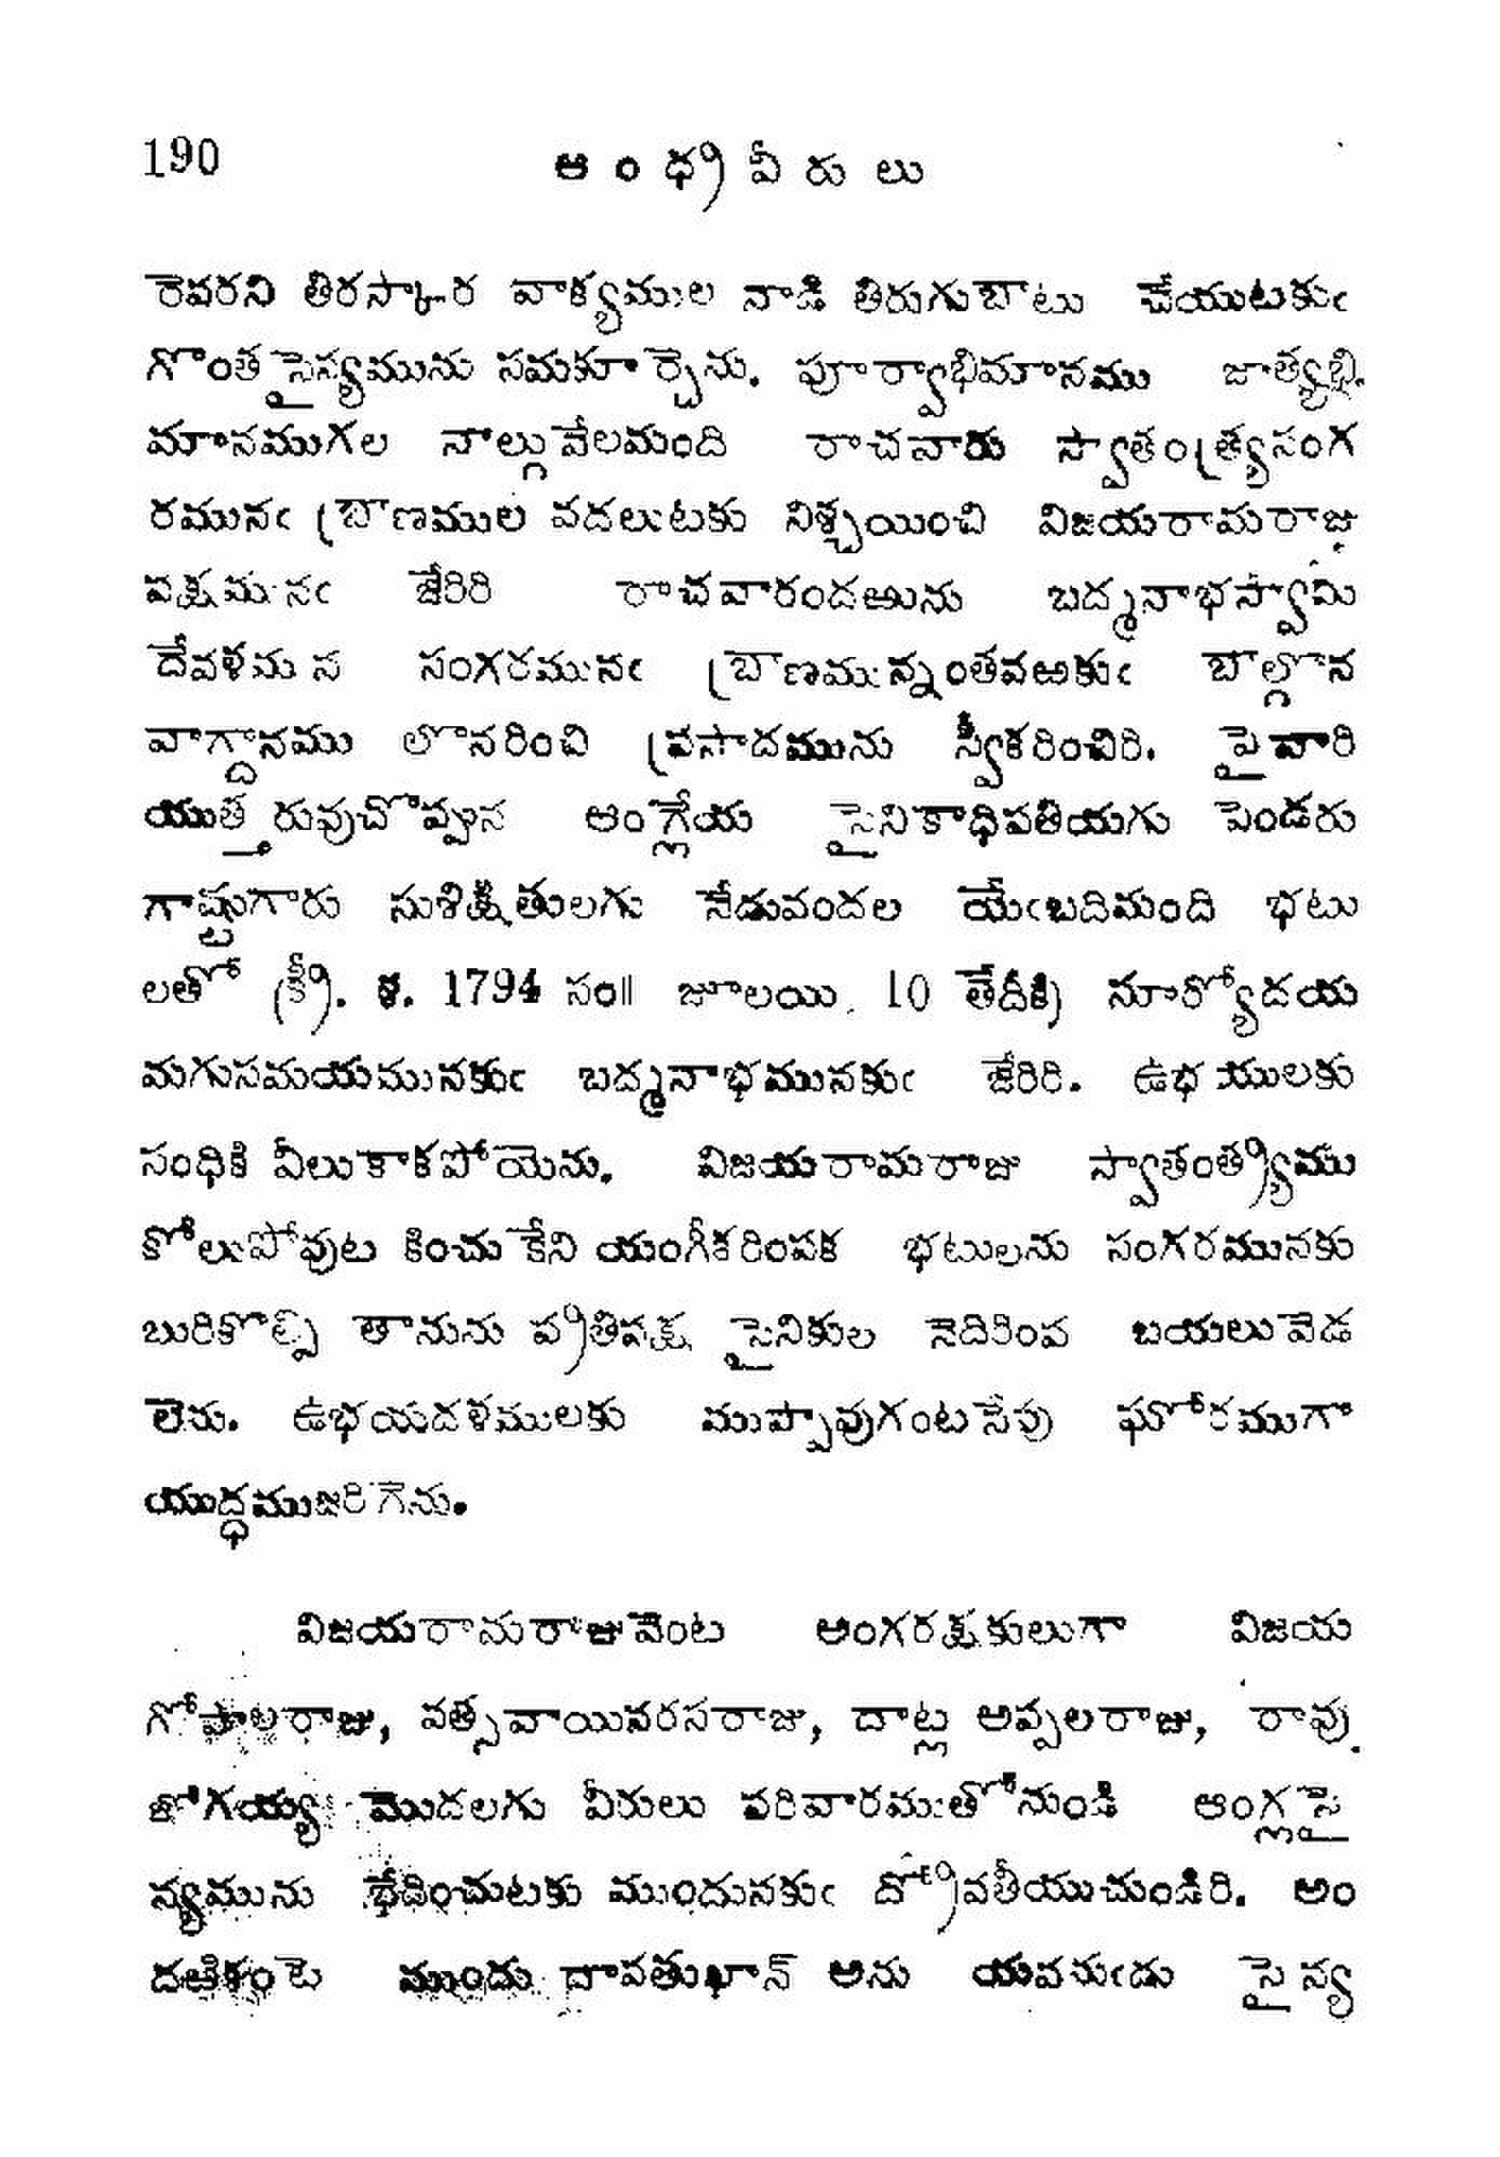రెవరిని తిరస్కార వాక్యముల నాడి తిరుగుబాటు చేయుటకు గొంతసైన్యమును సమకూర్చెను. పూర్వాభిమానము జ్యాతిభిమానముగల నాల్గువేలమంది రాచవారు స్వాతంత్ర్యసంగరమున బ్రాణముల వదలుటకు నిశ్చయించి విజయరామరాజు పక్షమున జేరిరి. రాచవారందఱను బద్మనాభస్వామి దేవళమున సంగరమున బ్రాణమున్నంతవఱకు బాల్గొన వాగ్దానము లొనరించి ప్రసాదమును స్వీకరించిరి. పైవారి యుత్తరువుచొప్పున ఆంగ్లేయ సైనికాధిపతియగు పెండరుగాష్టుగారు సుశిక్షితులగు నేడువందల యేబదిమంది భటులతో (క్రీ.శ. 1794 సం|| జూలయి 10 తేదికి) సూర్యోదయమగుసమయమునకు బద్మనాభమునకు జేరిరి. ఉభయులకు సంధికి వీలుకాకపోయెను. విజయరామరాజు స్వాతంత్ర్యము కోలుపోవుట కించుకేని యంగీకరింపక భటులను సంగరమునకు బురికొల్పి తానును ప్రతిపక్ష సైనికుల నెదిరింప బయలువెడలెను. ఉభయదళములకు ముప్పావుగంటసేపు ఘోరముగా యుద్ధముజరిగెను.

విజయరామరాజువెంట అంగరక్షకులుగా విజయగోపాలరాజు, వత్సవాయినరసరాజు, దాట్ల అప్పలరాజు, రావు జోగయ్య మొదలగు వీరులు పరివారముతోనుండి ఆంగ్లసైన్యమును భేధించుటకు ముందునకు ద్రోవతీయుచుండిరి. అందఱికంటె ముందు దావతుఖాన్ అను యవనుడు సైన్య